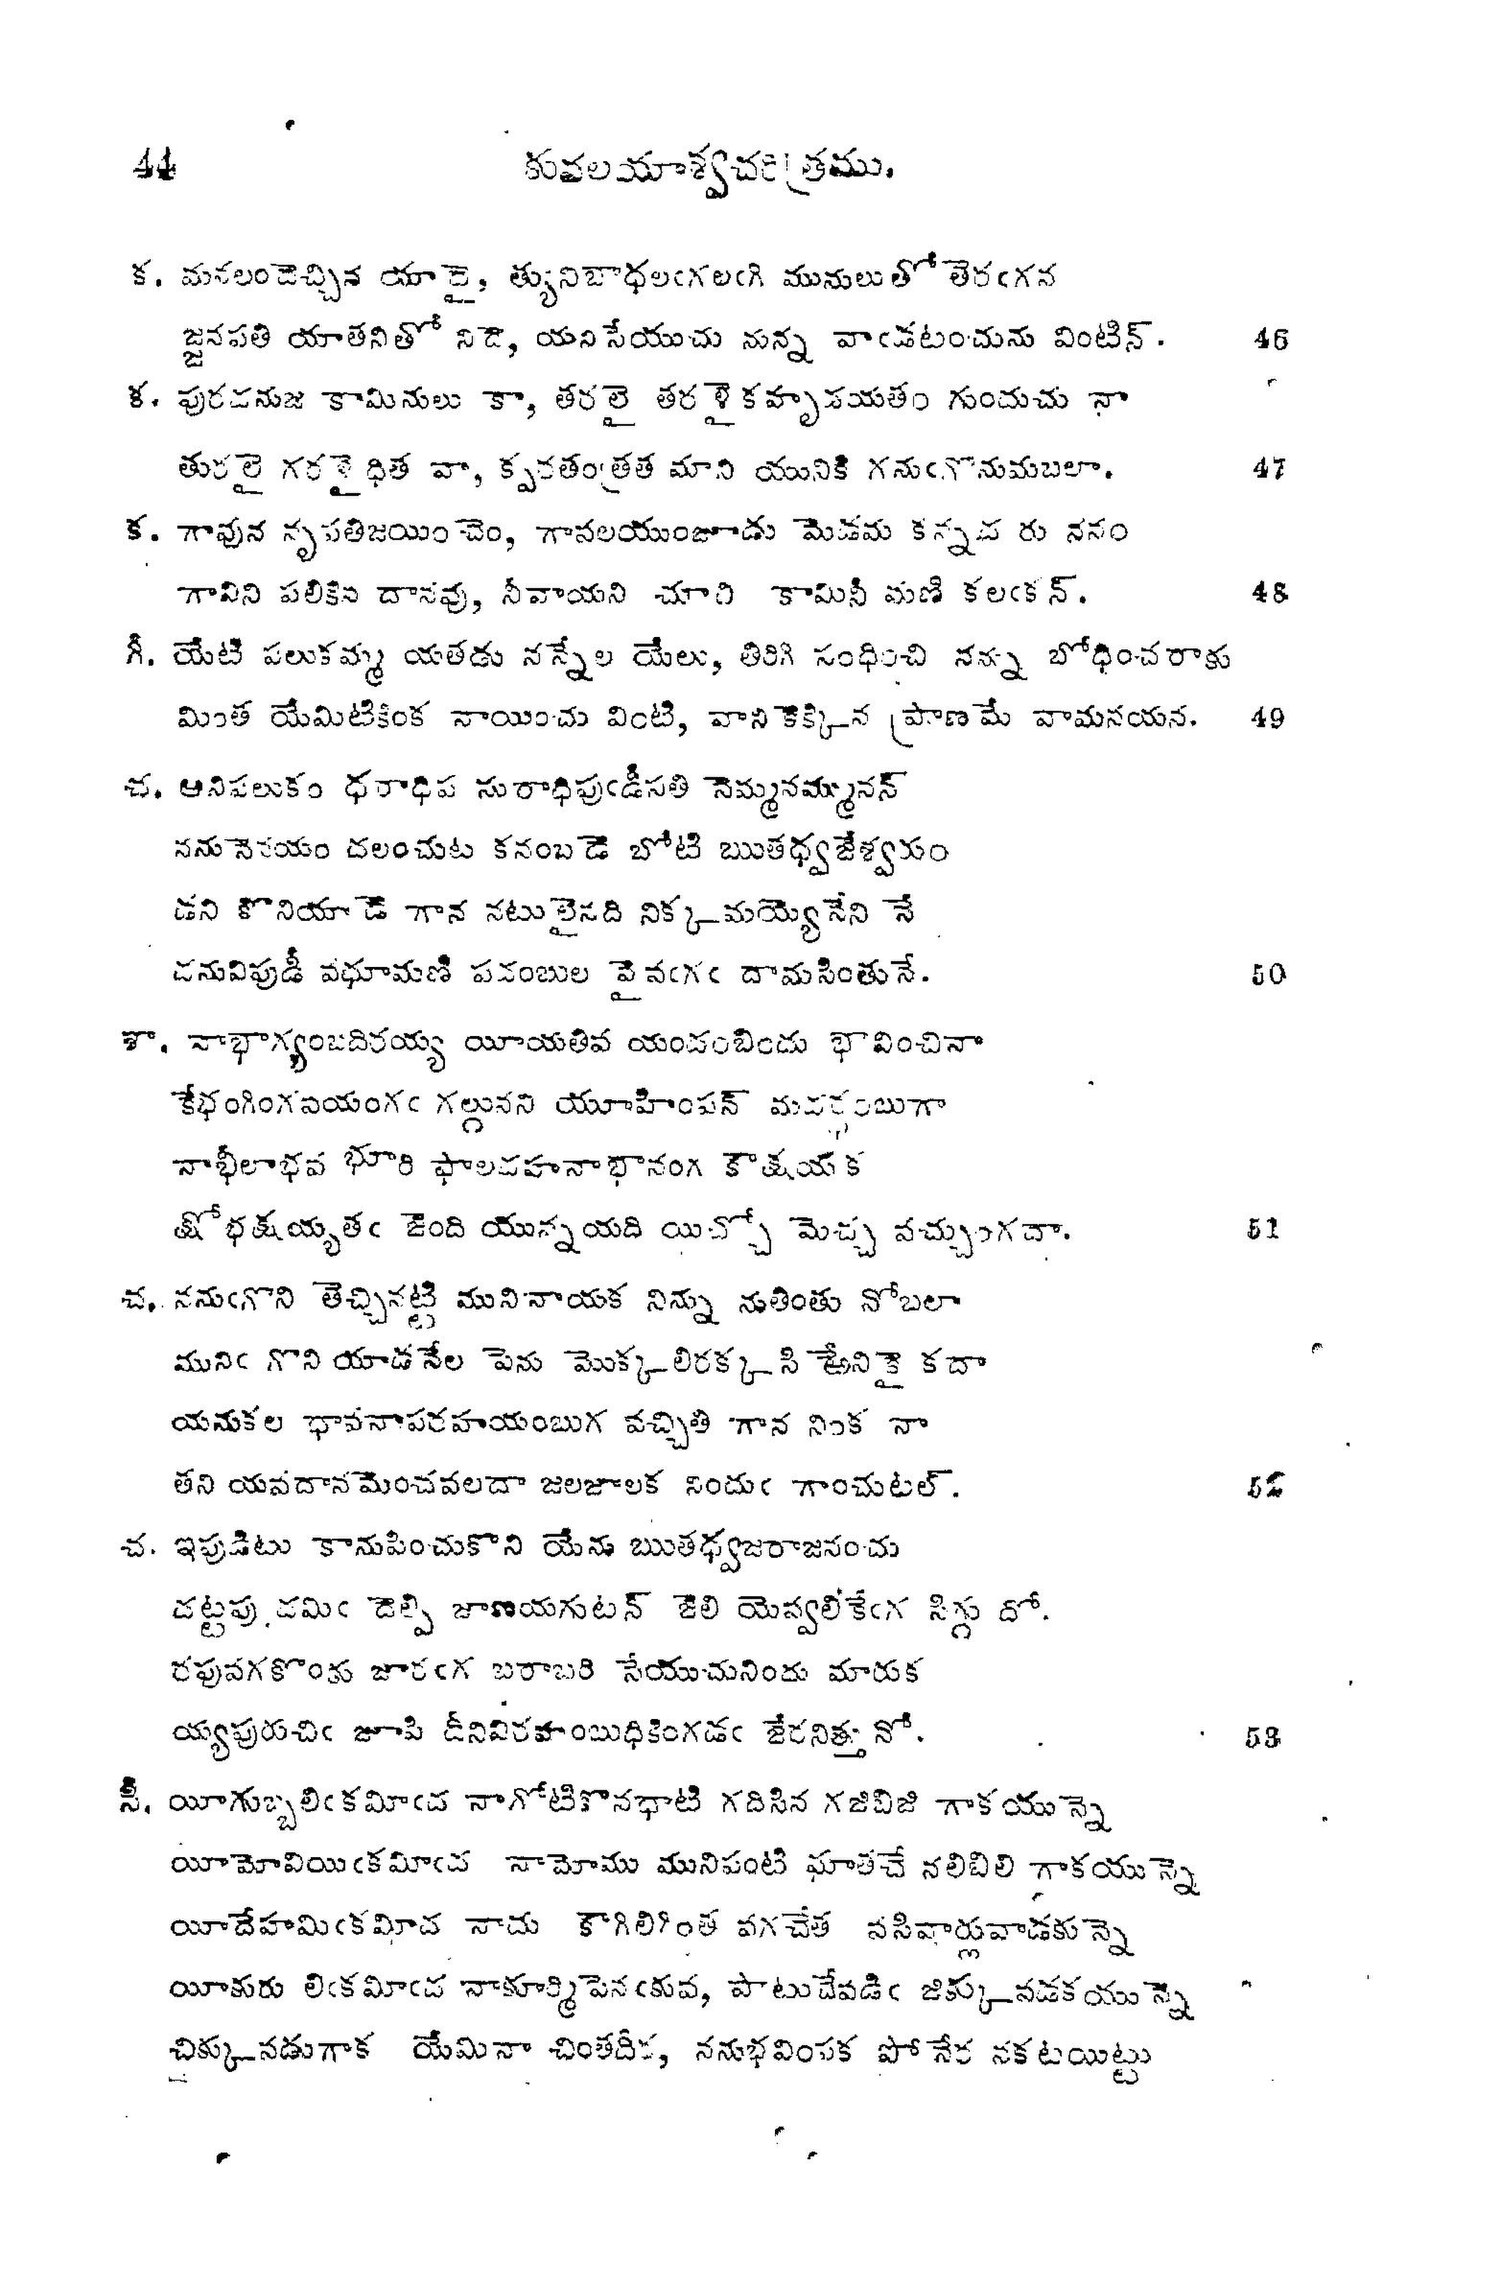క. మనలం దెచ్చిన యాదై, త్యునిబాధలఁ గలఁగి మునులుతో తెరఁగ న
జ్జనపతి యాతనితో నిదె, యని సేయుచు నున్నవాఁ డటంచును వింటిన్.
క. పురదనుజకామినులు కా, తరలై తరళైకహృదయతం గుందుచు నా
తురలై గరళైధితవా, క్పరతంత్రత మాని యునికి గనుఁగొను మబలా.
క. గావున నృపతి జయించెం, గావలయుం జూడు మెడమక న్నదరు ననం
గా విని పలికినదానవు, నీవా యని చూచి కామినీమణి కలఁకన్.
గీ. యేటి పలుకమ్మ యతడు నన్నేల యేలు, తిరిగి సంధించి నన్ను బోధించరాకు
మింత యేమిటి కింక నాయించువింటి, వాని కెక్కినప్రాణమే వామనయన.
చ. అని పలుకం ధరాధిప సురాధిపుఁ డీసతి నెమ్మనమ్మునన్
నను నెనయం దలంచుట కనంబడె బోటి ఋతధ్వజేశ్వరుం
డని కొనియాడె గాన నటులైనది నిక్కమయ్యెనేని నే
దను విపు డీవధూమణి పదంబుల వైవఁగఁ దామసింతునే.
శా. నాభాగ్యం బదిరయ్య యీయతివ యందం బిందు భావించినా
కేభంగిం గవయంగఁ గల్గునని యూహింపన్ మదర్థంబుగా
నాభీలాభవభూరిఫాలదహనాభానంగకౌక్షయక
క్షోభక్షయృతఁ జెందియున్నయది యిచ్చో మెచ్చవచ్చుం గదా.
చ. ననుఁ గొనితెచ్చినట్టి మునినాయక నిన్ను నుతింతు నోబలా
మునిఁ గొనియాడనేల పెనుమొక్కలిరక్కసి అనికై కదా
యనుకలధావనాపరహయంబుగ వచ్చితి గాన నింక నా
తని యవదాన మెంచవలదా జలజాలక నిందుఁ గాంచుటల్.
చ. ఇప్పు డిటు కానుపించుకొని యేను ఋతధ్వజరాజనంచు
దట్టపుదమిఁ దెల్పి జాణ యగుటన్ జెలి యెవ్వలికేఁగ సిగ్గు దో
రపువగకొంకు జారఁగ బరాబరి సేయుచు నిందు మారుక
య్యపురుచిఁ జూపి దీనివిరహంబుధికిం గడఁ జేరనిత్తునో.
సీ. యీగుబ్బ లిఁకమీఁద నాగోటికొనధాటి గదిసిన గజిబిజి గాకయున్నె
యీమోవి యిఁకమీఁఁద నామోము మునిపంటిఘాతచే నలిబిలి గాకయున్నె
యీదేహ మిఁకమీఁద నాదు కౌగిలిగింత వగచేత వసివార్లు వాడకున్నె
యీకురు లిఁకమీఁద నాకూర్మిపెనఁకువ, పాటుచేవడిఁ జిక్కువడకయున్నె
చిక్కువడుగాక యేమి నాచింత దీర, ననుభవింపక పోనేర నకట యిట్టు